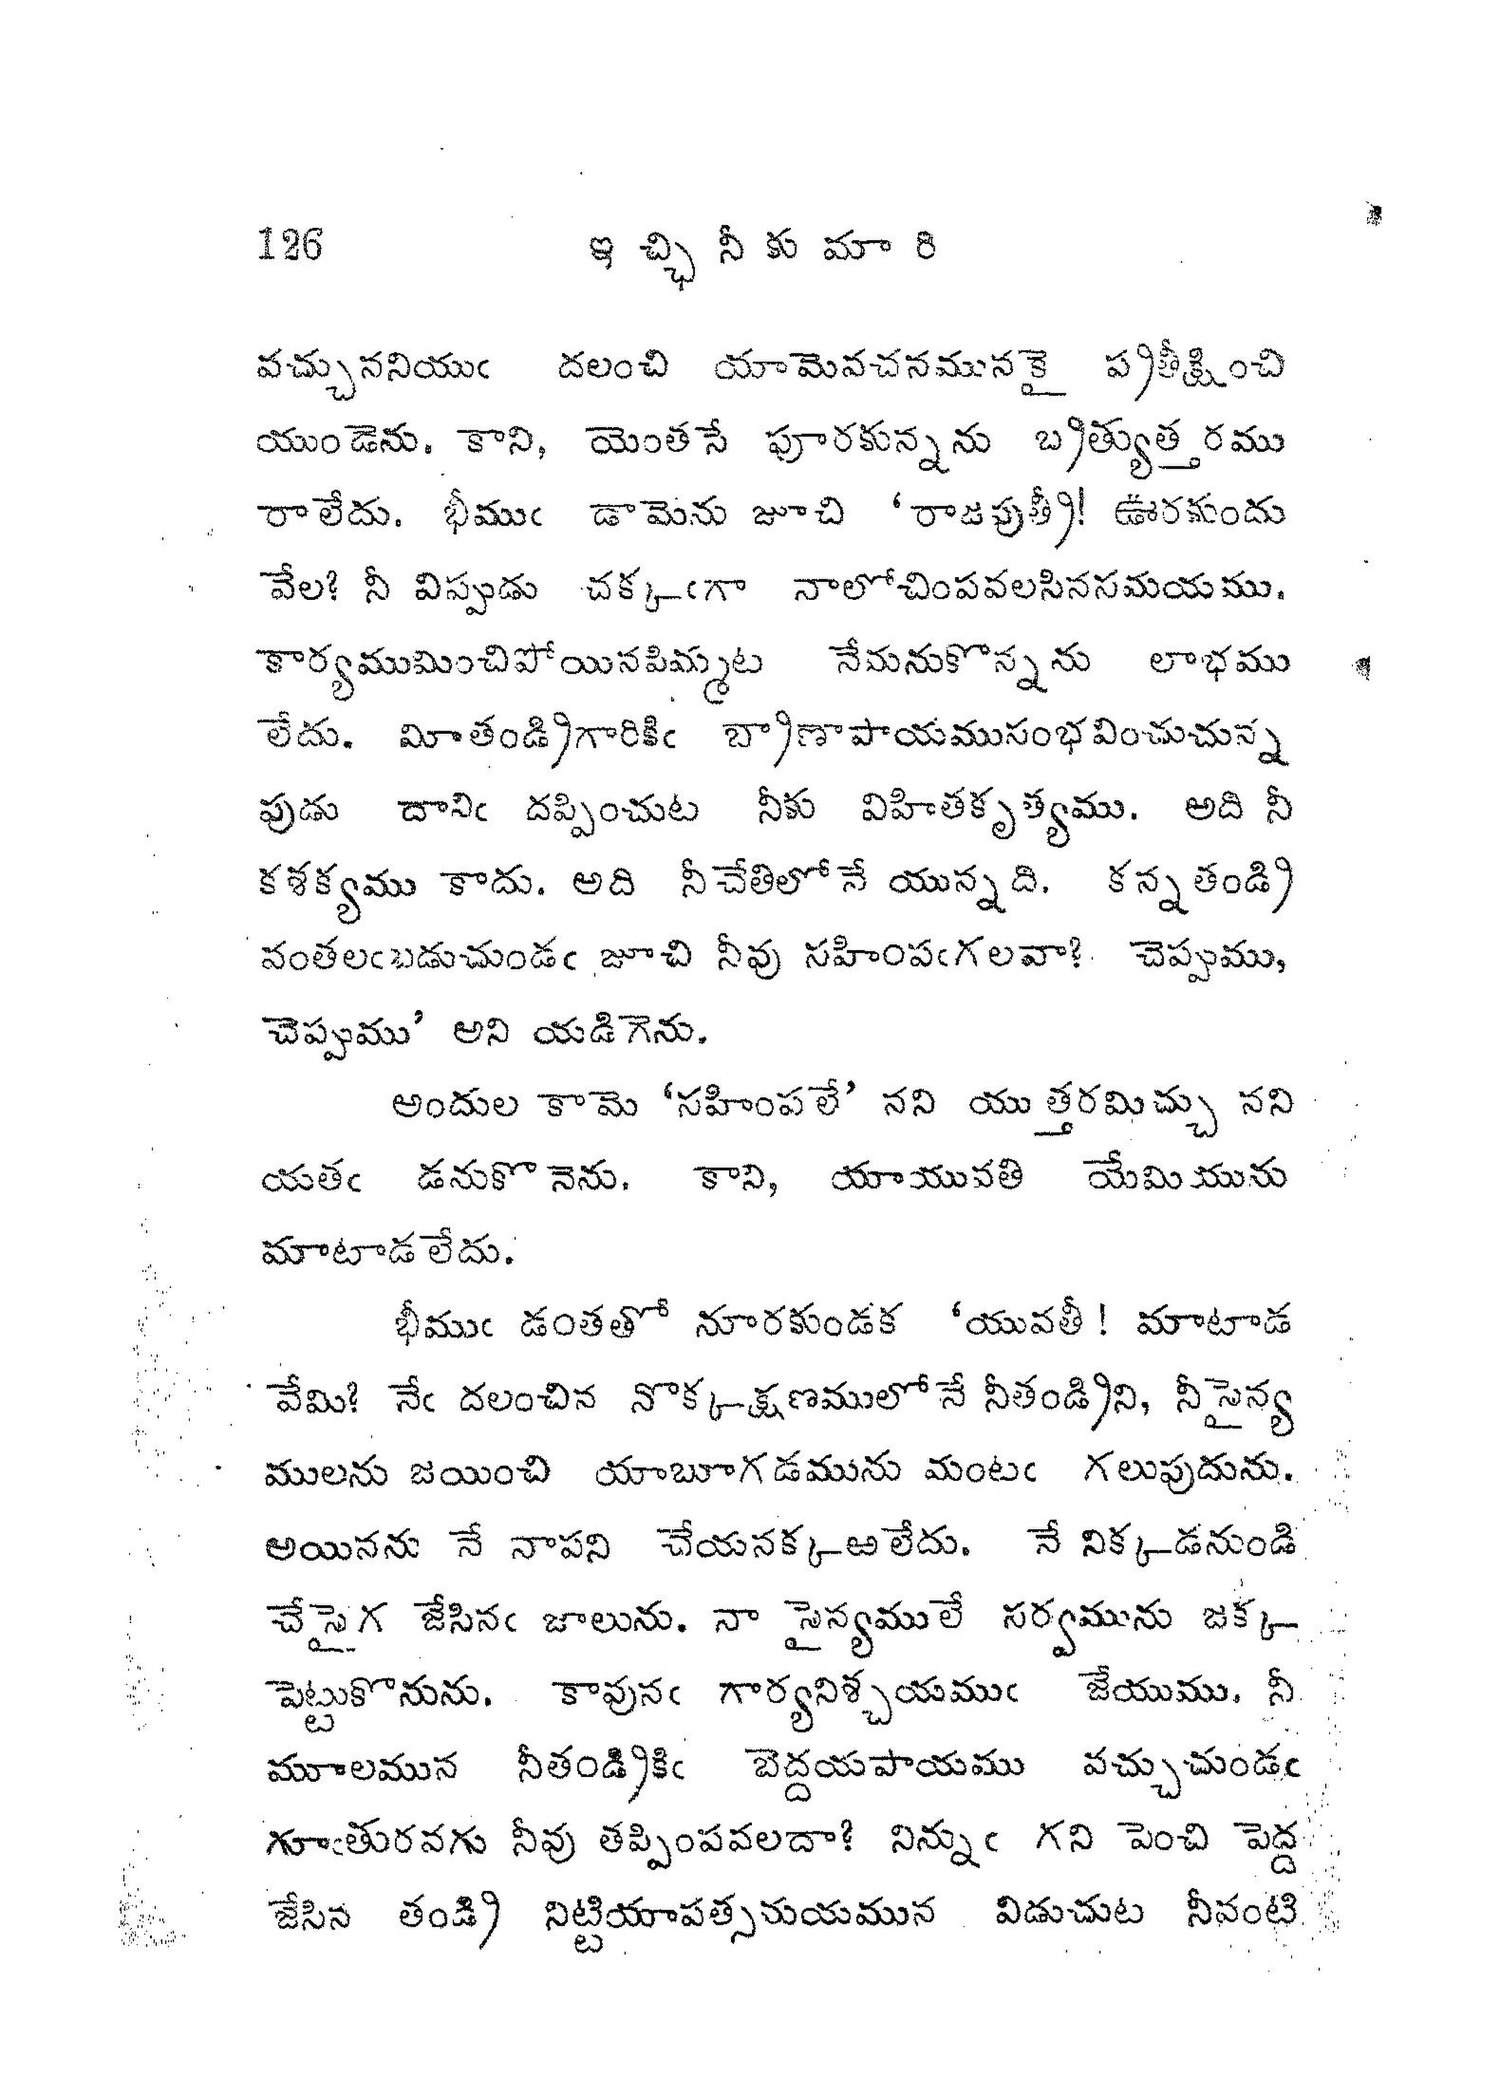వచ్చుననియుఁ దలంచి యామెవచనమునకై ప్రతీక్షించి యుండెను. కాని, యెంత సే ఫూరకున్నను బ్రత్యుత్తరము రాలేదు. భీముఁ డామెను జూచి 'రాజపుతీ! ఊరకుందు వేల? నీ విప్పుడు చక్కఁగా నాలోచింపవలసిన సమయము. కార్యము మించిపోయిన పిమ్మట నేమనుకొన్నను లాభము లేదు. మీతండ్రి గారికిఁ బాణాపాయము సంభవించుచున్న పుడు దానిఁ దప్పించుట నీకు విహితకృత్యము. అది నీ కశక్యము కాదు. అది నీ చేతిలో నే యున్నది. కన్న తండ్రి వంతలఁబడుచుండఁ జూచి నీవు సహింపఁగలవా? చెప్పుము, చెప్పుము' అని యడిగెను.

అందుల కొమె 'సహింపలే' నని యుత్తరమిచ్చు నని యతఁ డనుకొ నెను, కాని, యాయువతి యేమియును మాటాడ లేదు. భీముఁ డంతతో నూరకుండక 'యువతీ ! మాటాడ 'వేమి? నేఁ దలంచిన నొక్క క్షణములోనే నీతండ్రిని, నీ సైన్య ములను జయించి యాబూగడమును మంట గలుపుదును. అయినను నే నాపని చేయనక్కఱ లేదు. నే నిక్కడనుండి చేసైగ జేసినఁ బాలును. నా సైన్యములే సర్వమును జక్క పెట్టుకొనును. కావునఁ గార్యనిశ్చయముఁ జేయుము. నీ మూలమున నీతండ్రికి పెద్దయపాయము వచ్చుచుండ గూతురనగు నీవు తప్పింపవలదా? నిన్నుఁ గని పెంచి పెద్ద జేసిన తండ్రి నిట్టియాపత్సమయమున విడుచుట నీవంటి